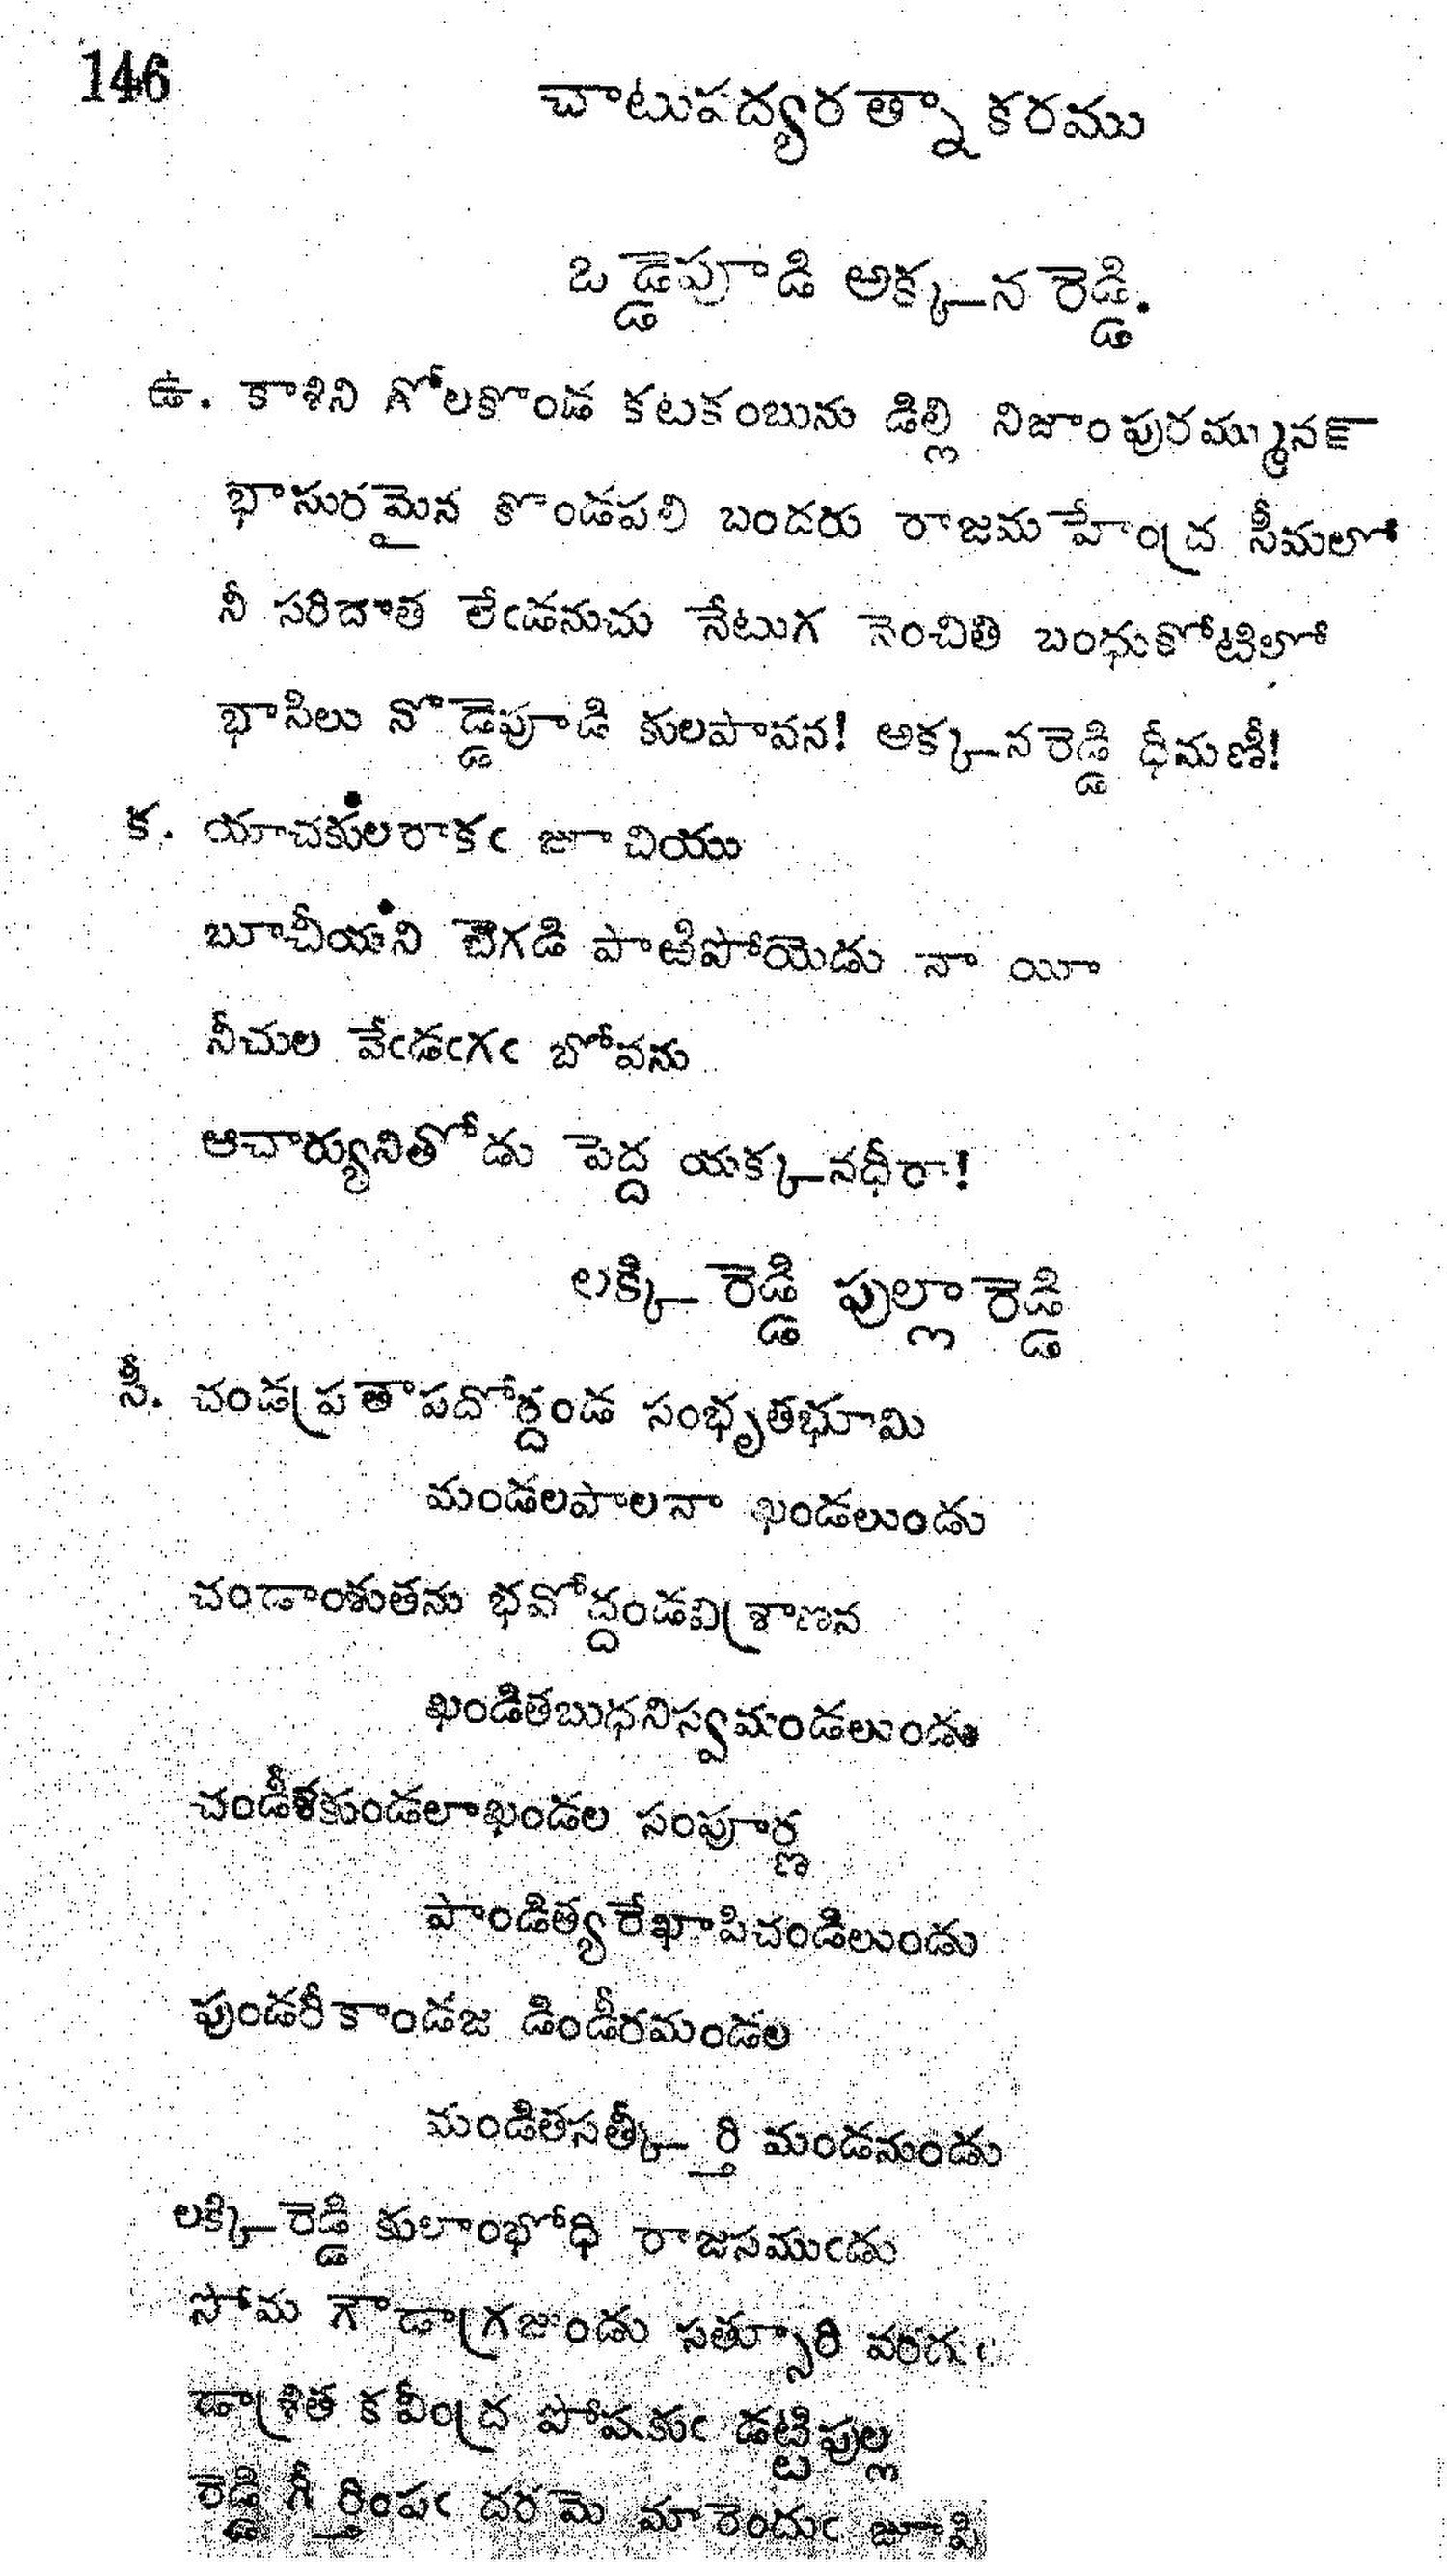ఉ. కాశిని గోలకొండ కటకంబును డిల్లి నిజాంపురమ్మునన్
 భాసురమైన కొండపలి బందరు రాజమహేంద్రసీమలో
 నీ సరిదాత లేఁడనుచు నేటుగ నెంచితి బంధుకోటిలో
 భాసిలు నొడ్డెపూడి కులపావన! అక్కనరెడ్డి ధీమణీ!

క. యాచకులరాకఁ జూచియు
 బూచీయని బెగడి పాఱిపోయెడు నా యీ
 నీచుల వేఁడఁగఁ బోవను
 ఆచార్యునితోడు పెద్ద యక్కనధీరా!

సీ. చండప్రతాపదోర్దండసంభృతభూమి
 మండలపాలనాఖండలుండు
 చండాంశుతనుభవోద్దండవిశ్రాణన
 ఖండితబుదనిస్వమండలుండు
 చండీశకుండాలఖండలసంపూర్ణ
 పాండిత్యరేఖాపిచండిలుండు
 పుండరీకాండజడిండీరమండల
 మండితసత్కీర్తిమండనుండు
 లక్కిరెడ్డి కులాంభోధి రాజసముఁడు
 సోమగౌడాగ్రజుండు సత్సూరివరదుఁ
 డాశ్రితకవీంద్రపోషకుఁ డట్టిపుల్ల
 రెడ్డి గీర్తింపఁ దరమె మారెందుఁ జూపి.